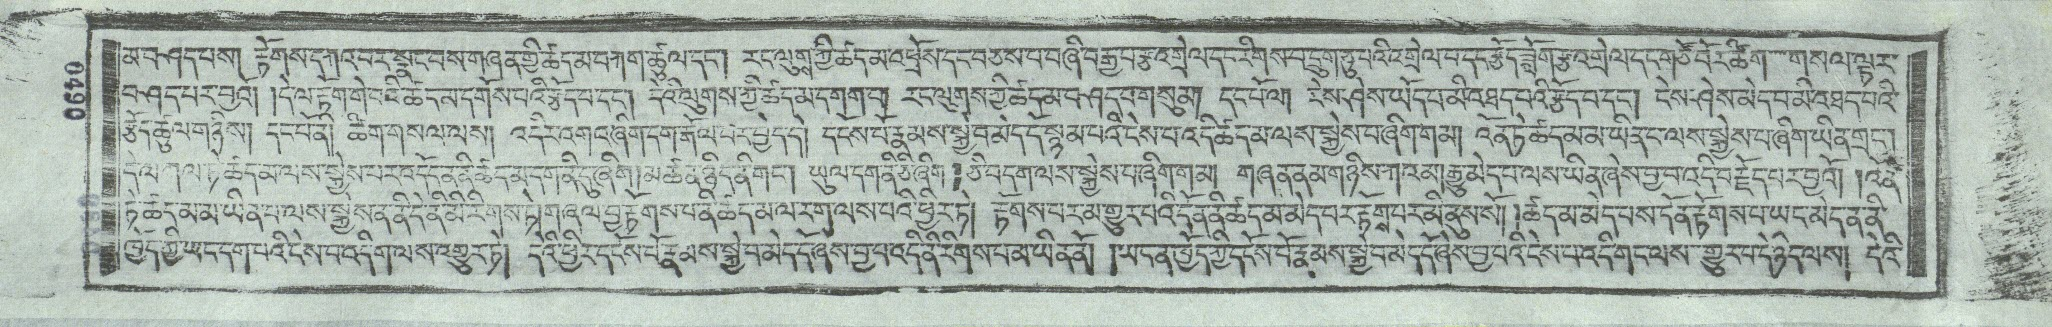མ་བཤད་པས། རྟོགས་དཀའ་བར་སྣང་བས་གཞན་གྱི་ཚད་མ་བཀག་ཚུལ་དང་། རང་ལུགས་ཀྱི་ཚད་མ་འཕྲོས་དང་བཅས་པ་བཞི་བརྒྱ་པ་རྩ་འགྲེལ་དང་རིགས་པ་དྲུག་ཅུ་བའི་འགྲེལ་བ་དང་རྩོད་ཟློག་རྩ་འགྲེལ་དང་གཙོ་བོར་ཚིག་གསལ་ལྟར་
བཤད་པར་བྱའོ། །དེ་ལ་རྟོག་གེ་བའི་ཚད་མ་དགོས་པའི་རྩོད་པ་དང་། དེའི་ལུགས་ཀྱི་ཚད་མ་དགག་པ། རང་ལུགས་ཀྱི་ཚད་མ་བཤད་པ་གསུམ། དང་པོ་ལ། རེས་ཤེས་ཡོད་པ་མི་འཐད་པའི་རྩོད་པ་དང་། ངེས་ཤེས་མེད་པ་མི་འཐད་པའི་
རྩོད་ཚུལ་གཉིས། དང་པོ་ནི། ཚིག་གསལ་ལས། འདིར་འགའ་ཞིག་དག་རྒོལ་པར་བྱེད་དེ། དངོས་པོ་རྣམས་སྐྱེ་བ་མེད་དོ་སྙམ་པའི་ངེས་པ་འདི་ཚད་མ་ལས་སྐྱེས་པ་ཞིག་གམ། འོན་ཏེ་ཚད་མ་མ་ཡིན་པ་ལས་སྐྱེས་པ་ཞིག་ཡིན་གྲང་།
དེ་ལ་གལ་ཏེ་ཚད་མ་ལས་སྐྱེས་པར་འདོད་ན་ནི་ཚད་མ་དག་ནི་དུ་ཞིག །མཚན་ཉིད་ནི་གང་། ཡུལ་དག་ནི་ཅི་ཞིག །ཅི་བདག་ལས་སྐྱེས་པ་ཞིག་གམ། གཞན་ནམ་གཉིས་ཀའམ། རྒྱུ་མེད་པ་ལས་ཡིན་ཞེས་བྱ་བ་འདི་བརྗོད་པར་བྱའོ། །འོན་
ཏེ་ཚད་མ་མ་ཡིན་པ་ལས་སྐྱེས་ན་ནི་དེ་ནི་མི་རིགས་ཏེ། གཞལ་བྱ་རྟོགས་པ་ནི་ཚད་མ་ལ་རག་ལས་པའི་ཕྱིར་ཏེ། རྟོགས་པར་མ་གྱུར་པའི་དོན་ནི་ཚད་མ་མེད་པར་རྟོགས་པར་མི་ནུས་སོ། །ཚད་མ་མེད་པས་དོན་རྟོགས་པ་ཡང་མེད་ན་ནི་
ཁྱོད་ཀྱི་ཡང་དག་པའི་ངེས་པ་འདི་ག་ལས་འགྱུར་ཏེ། དེའི་ཕྱིར་དངོས་པོ་རྣམས་སྐྱེ་བ་མེད་དོ་ཞེས་བྱ་པ་འདི་ནི་རིགས་པ་མ་ཡིན་ནོ། །ཡང་ན་ཁྱོད་ཀྱི་དངོས་པོ་རྣམས་སྐྱེ་བ་མེད་དོ་ཞེས་བྱ་བའི་ངེས་པ་འདི་གང་ལས་གྱུར་བ་དེ་ཉིད་ལས། དེའི་